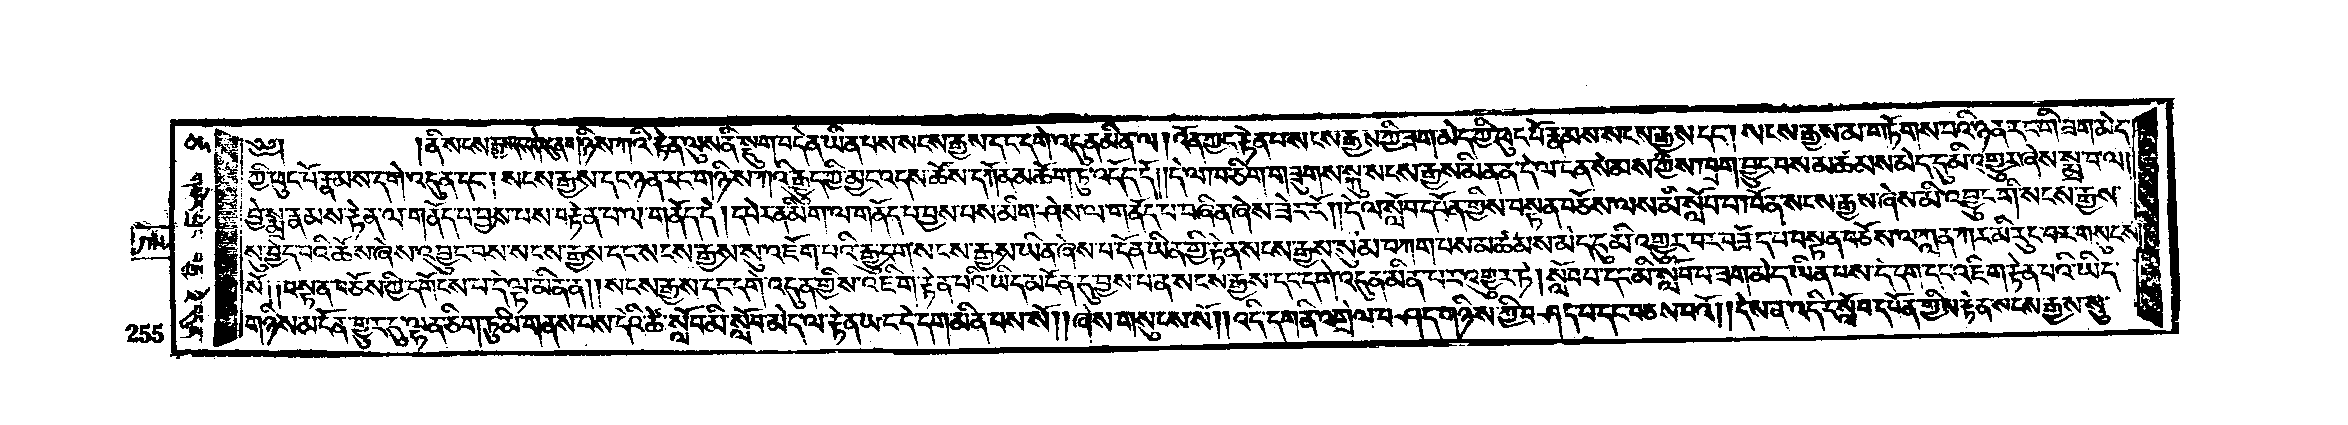༄༅། །ནི་སངས་རྒྱས་དང་དགེ་འདུན་གཉིས་ཀའི་རྟེན་ལུས་ནི་སྡུག་བདེན་ཡིན་པས་སངས་རྒྱས་དང་དགེ་འདུན་མིན་ལ། འོན་ཀྱང་རྟེན་པ་སངས་རྒྱས་ཀྱི་ཟག་མེད་ཀྱི་ཕུང་པོ་རྣམས་སངས་རྒྱས་དང་། སངས་རྒྱས་མ་གཏོགས་པའི་ཉན་རང་གི་ཟག་མེད་
ཀྱི་ཕུང་པོ་རྣམས་དགེ་འདུན་དང་། སངས་རྒྱས་དང་ཉན་རང་གཉིས་ཀའི་རྒྱུད་ཀྱི་མྱང་འདས་ཆོས་དཀོན་མཆོག་ཏུ་འདོད་དོ། །དེ་ལ་ཁ་ཅིག་གཟུགས་སྐུ་སངས་རྒྱས་མིན་ན་དེ་ལ་ངན་སེམས་ཀྱིས་ཁྲག་བྱུང་བས་མཚམས་མེད་དུ་མི་འགྱུར་ཞེས་སྨྲ་བ་ལ།
བྱི་སྨྲ་རྣམས་རྟེན་ལ་གནོད་པ་བྱས་པས་བརྟེན་པ་ལ་གནོད་དེ། དཔེར་ན་མིག་ལ་གནོད་པ་བྱས་པས་མིག་ཤེས་ལ་གནོད་པ་བཞིན་ཞེས་ཟེར་རོ། །དེ་ལ་སློབ་དཔོན་གྱིས་བསྟན་བཅོས་ལས་མི་སློབ་པ་ཁོ་ན་སངས་རྒྱས་ཞེས་མི་འབྱུང་གི་སངས་རྒྱས་
སུ་བྱེད་པའི་ཆོས་ཞེས་འབྱུང་བས་སངས་རྒྱས་དང་སངས་རྒྱས་སུ་འཇོག་པའི་རྒྱུ་དག་སངས་རྒྱས་ཡིན་ཞེས་པ་དོན་ཡིན་གྱི་རྟེན་སངས་རྒྱས་སུམ་བཀག་པས་མཚམས་མེད་དུ་མི་འགྱུར་བར་བརྩོད་པ་བསྟན་བཅོས་ལ་ཀླན་ཀར་མི་རུང་བར་གསུངས་
སོ། །བསྟན་བཅོས་ཀྱི་དགོངས་པ་དེ་ལྟ་མིན་ནོ། །སངས་རྒྱས་དང་དགེ་འདུན་གྱིས་འཇིག་རྟེན་པའི་ཡིད་མངོན་དུ་བྱས་པ་ན་སངས་རྒྱས་དང་དགེ་འདུན་མིན་པར་འགྱུར་ཏེ། སློབ་པ་དང་མི་སློབ་པ་ཟག་མེད་ཡིན་པས་དེ་དག་དང་འཇིག་རྟེན་པའི་ཡིད་
གཉིས་མངོན་གྱུར་དུ་ལྷན་ཅིག་ཏུ་མི་གནས་པས་དེའི་ཚེ་སློབ་མི་སློབ་མེད་ལ་རྟེན་ཡང་དེ་དག་མིན་པས་སོ། །ཞེས་གསུངས་སོ། །འདི་དག་ནི་འགྲེལ་བཤད་གཉིས་ཀྱི་བཤད་པ་དང་བཅས་པའོ། །དེས་ན་འདིར་སློབ་དཔོན་གྱིས་རྟེན་སངས་རྒྱས་སུ་